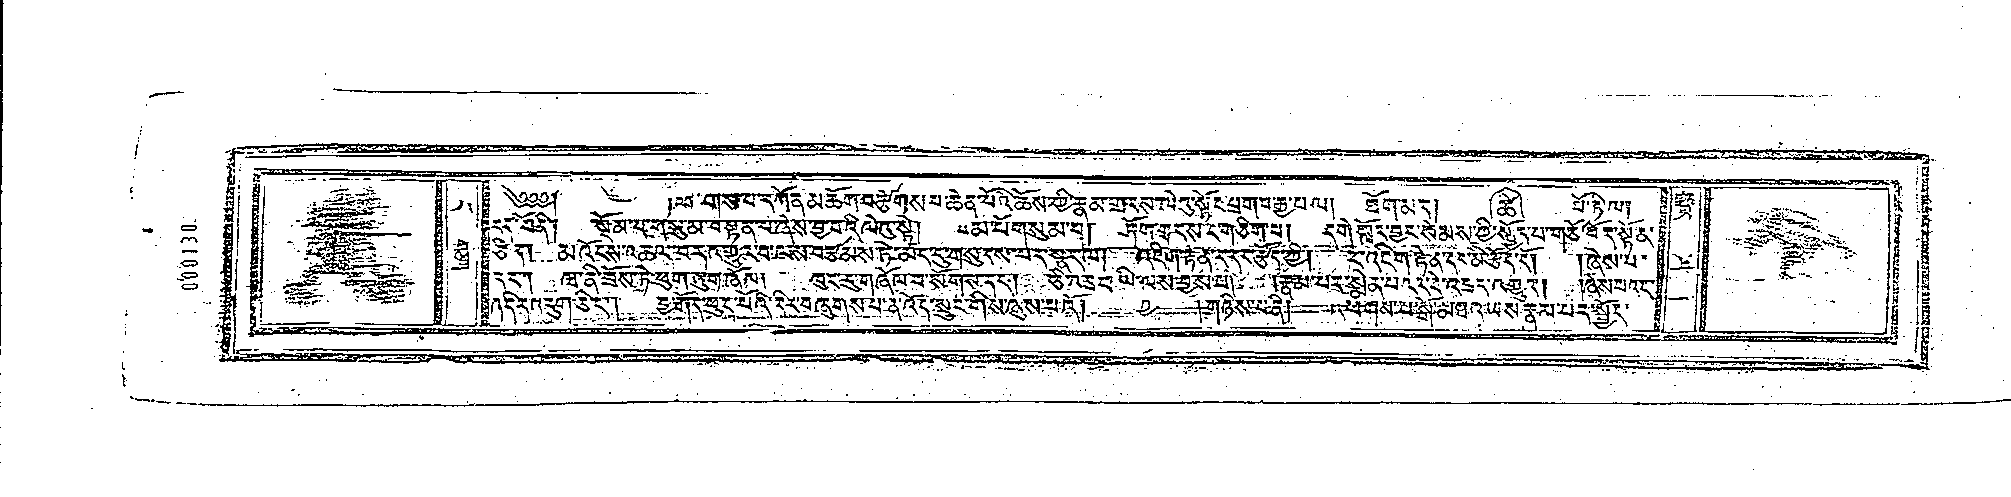༄༅༅། །འཕགས་པ་དཀོན་མཆོག་བརྩེགས་པ་ཆེན་པོའི་ཆོས་ཀྱི་རྣམ་གྲངས་ལེའུ་སྟོང་ཕྲག་བརྒྱ་པ་ལ། ཐོག་མར། ཚ྄ི་པོ་ཏི་ལ།
དང་པོ་ནི། སྡོམ་པ་གསུམ་བསྟན་པ་ཞེས་བྱ་བའི་ལེའུ་སྟེ། བམ་པོ་གསུམ་པ། ཤོག་གྲངས་ང་གཅིག་པ། དགེ་སློང་བྱང་སེམས་ཀྱི་སྤྱོད་པ་གཙོ་བོར་སྟོན་
ཅིང་། མ་འོངས་འཆལ་བར་འགྱུར་བ་ལས་བརྩམས་ཏེ་མང་དུ་གསུངས་པར་སྣང་ལ། འཇིག་རྟེན་ང་དང་རྩོད་ཀྱི། ང་འཇིག་རྟེན་དང་མི་རྩོད་དོ། །ཞེས་པ་
དང་། ཝ་ནི་བྲོས་ཏེ་ཕུག་ཏུ་གཞོལ། ཁུང་དུ་གཞོལ་བ་སོགས་དང་། །ཅི་འདྲ་བ་ཡི་ལས་བྱས་པ། །རྣམ་པར་སྨིན་པའང་དེ་འདྲར་འགྱུར། །ཞེས་པའང་
འདིར་འདུག་ཅིང་། བྱ་རྒོད་ཕུང་པོའི་རིར་བཞུགས་པ་ན་འོད་སྲུང་གིས་ཞུས་པའོ། ༧་།གཉིས་པ་ནི། འཕགས་པ་སྒོ་མཐའ་ཡས་རྣམ་པར་སྦྱོང་